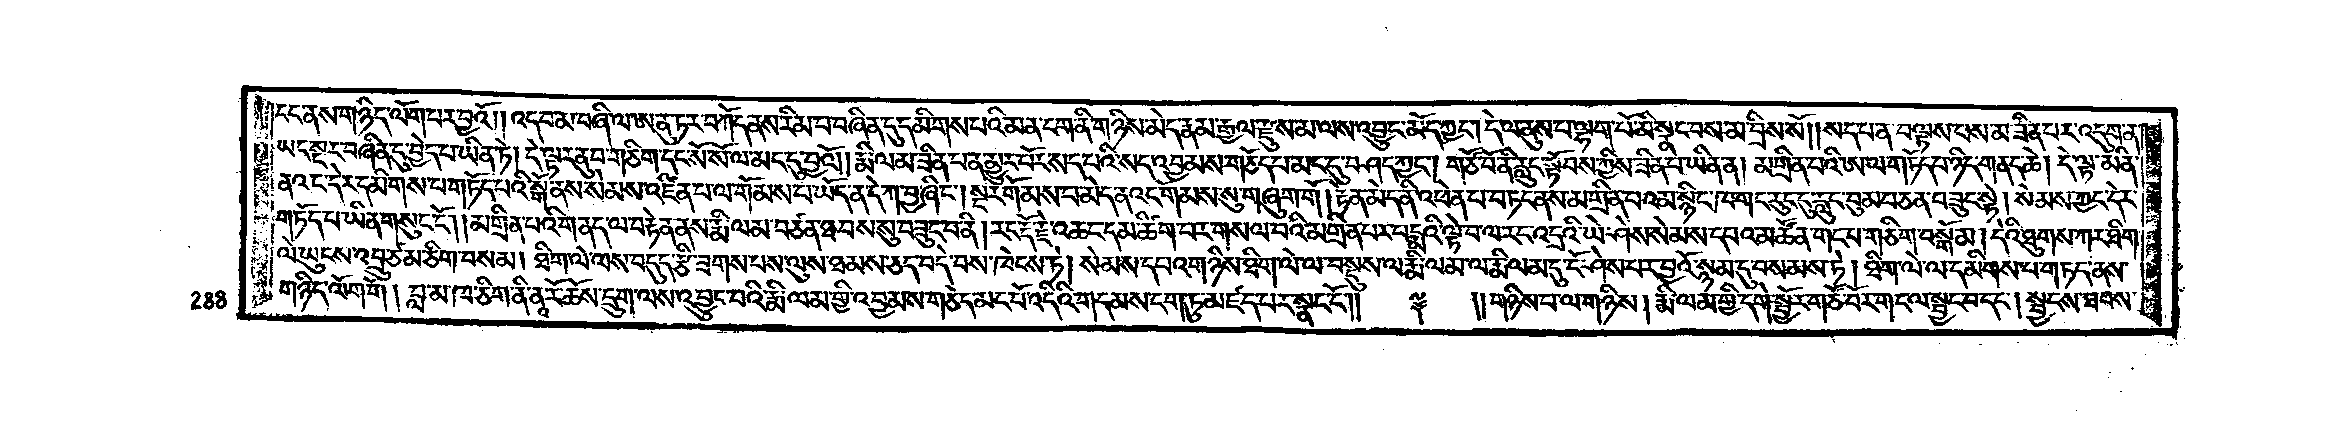ངང་ནས་གཉིད་ལོག་པར་བྱའོ། །འདབ་མ་བཞི་ལ་ཨ་ནུ་ཏ་ར་བཀོད་ནས་རིམ་པ་བཞིན་དུ་དམིགས་པའི་མན་ངག་ནི་གཉིས་མེད་རྣམ་རྒྱལ་རྫུས་མ་ལས་འབྱུང་མོད་ཀྱང་། དེ་ལ་ནུས་པ་ལྷག་པོ་མི་སྣང་བས་མ་བྲིས་སོ། །སད་པ་ན་བལྟས་པས་མ་ཟིན་པར་འདུག་ན་
ཡང་སྔར་བཞིན་དུ་བྱེད་པ་ཡིན་ཏེ། དེ་ལྟར་ནུབ་གཅིག་དང་སོ་སོ་ལ་མང་དུ་བྱའོ། །རྨི་ལམ་ཟིན་པ་ན་མྱུར་པོར་སད་པའི་སད་འབྱམས་གཅོད་པ་མང་དུ་བཤད་ཀྱང་། གཙོ་བོ་ནི་རླུང་སྟོབས་ཀྱིས་ཟིན་པ་ཡིན་ན། མགྲིན་པའི་ཨ་ལ་གཏོད་པ་ཉིད་གནད་ཆེ། དེ་ལྟ་མིན་
ནའང་དེར་དམིགས་པ་གཏོད་པའི་སྒོ་ནས་སེམས་འཛིན་པ་ལ་གོམས་པ་ཡོད་ན་དེ་ཀ་བྱ་ཞིང་། སྔར་གོམས་པ་མེད་ནའང་གོམས་སུ་གཞུག་གོ །རྟེན་མེད་ནི་འཕེན་པ་བཏང་ནས་མགྲིན་པའམ་སྙིང་ཁ་གང་རུང་དུ་རླུང་བུམ་པ་ཅན་བཟུང་སྟེ། སེམས་ཀྱང་དེར་
གཏོད་པ་ཡིན་གསུང་ངོ། །མགྲིན་པའི་གནད་ལ་བརྟེན་ནས་རྨི་ལམ་བཙན་ཐབས་སུ་བཟུང་བ་ནི། རང་རྡོ་རྗེ་འཆང་དམ་ཚིག་པར་གསལ་བའི་མགྲིན་པར་པདམའི་ལྟེ་བ་ལ་རང་འདྲའི་ཡེ་ཤེས་སེམས་དཔའ་མཚོན་གང་པ་གཅིག་བསྒོམ། དེའི་ཐུགས་ཀར་ཐིག་
ལེ་ཡུངས་འབྲུ་ཙམ་ཅིག་བསམ། ཐིག་ལེ་ལས་བདུད་རྩི་ཟགས་པས་ལུས་ཐམས་ཅད་བདེ་བས་ཁེངས་ཏེ། སེམས་དཔའ་གཉིས་ཐིག་ལེ་ལ་བསྡུས་ལ་རྨི་ལམ་ལ་རྨི་ལམ་དུ་ངོ་ཤེས་པར་བྱའོ་སྙམ་དུ་བསམས་ཏེ། ཐིག་ལེ་ལ་དམིགས་པ་གཏད་ནས་
གཉིད་ལོག་གོ །བླ་མ་ཁ་ཅིག་ནི་ནཱ་རོ་ཆོས་དྲུག་ལས་འབྱུང་བའི་རྨི་ལམ་གྱི་འབྱམས་གཅོད་མང་པོ་འདིའི་གདམས་ངག་ཏུ་མཛད་པར་སྣང་ངོ།། ༈ །།གཉིས་པ་ལ་གཉིས། རྨི་ལམ་གྱི་དགེ་སྦྱོར་གཙོ་བོར་གང་ལ་སྦྱང་བ་དང་། སྦྱངས་ཐབས་